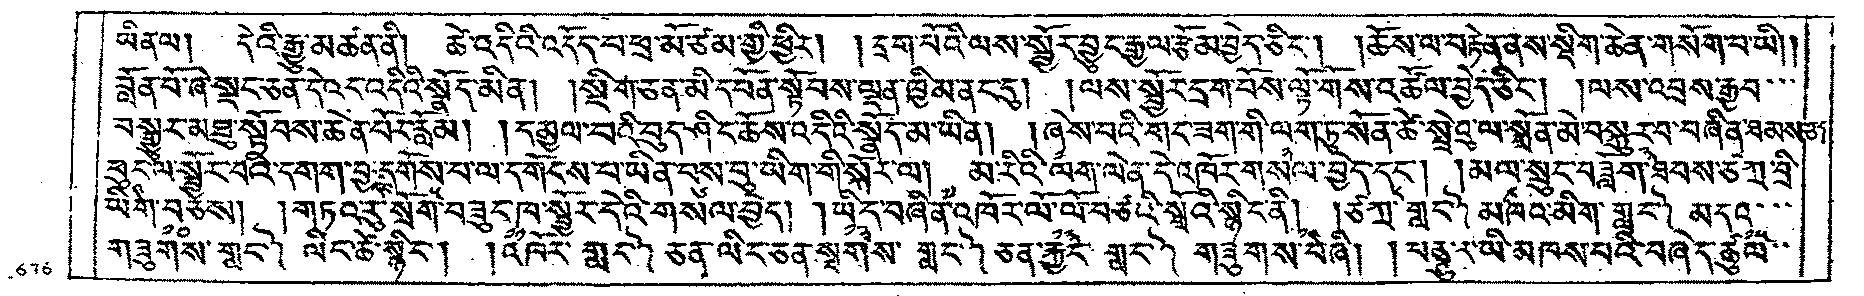ཡིན་ལ། དེའི་རྒྱུ་མཚན་ནི། ཚེ་འདིའི་འདོད་པ་ཕྲ་མོ་ཙམ་གྱི་ཕྱིར། །དྲག་པོའི་ལས་སྦྱོར་བྱུང་རྒྱལ་རྩོམ་བྱེད་ཅིང་། །ཆོས་ལ་བརྟེན་ནས་སྡིག་ཆེན་གསོག་པ་ཡི། །
བློན་པོ་ཞེ་སྡང་ཅན་དེའང་འདིའི་སྣོད་མིན། །སྡིག་ཅན་མི་དཔོན་སྟོབས་ལྡན་ཁྱིམ་ནང་དུ། །ལས་སྦྱོར་དྲག་པོས་ལྟོ་གོས་འཚོལ་བྱེད་ཅིང་། །ལས་འབྲས་རྒྱབ་
བསྒྱུར་མཐུ་སྟོབས་ཆེན་པོར་རློམ། །དམྱལ་བའི་བུད་ཤིང་ཆོས་འདིའི་སྣོད་མ་ཡིན། །ཞེས་པའི་གང་ཟག་གི་ལག་ཏུ་སོན་ཚེ་སྤྲེའུ་ལ་སྒྲོན་མེ་བསྐུར་བ་བཞིན་ཐམས་ཅད་
ཕུང་ལ་སྦྱོར་བའི་དགག་བྱ་དང་དགོས་པ་ལ་དགོངས་པ་ཡིན་པས་བུ་ཡིག་གི་སྐོར་ལ། མ་རིའི ༡་ལག་ལེན་དེ་འཁོར་གསལ ༢་བྱེད་དང་། །མལ་སྲུང་བཟློག ༣་ཐབས་ཙཀྲ་བྲི་
ཡིག ༤་བཅས། །གཏའ་རུ་སྲོག ༥་བཟུང་ཁ་སྦྱོར་དེའི་གསལ ༦་བྱེད། །ཡིད་བཞིན ༧་འཁོར་ལོ་ལོ་བཙའི་སྒྲོའི་སྙིང་ནི། །ཙཀྲ ༨་གླང྄་མཁའ ༩་མིག་གླང྄་མདའ་
གཟུགས ༡༠་གླང྄་ལིང་ཚེ་སྙིང་། །༡༡་འཁོར་གླང྄་ཅན་ལིང་ཅན་སྔགས ༡༢་གླང྄་ཅན ༡༣་རྐྱང་གླང྄་གཟུགས ༡༤་བཞི། །པཎྚུ་ར་ཡི་མཁས་པའི་བཞེད་ཚུལ ༡༥